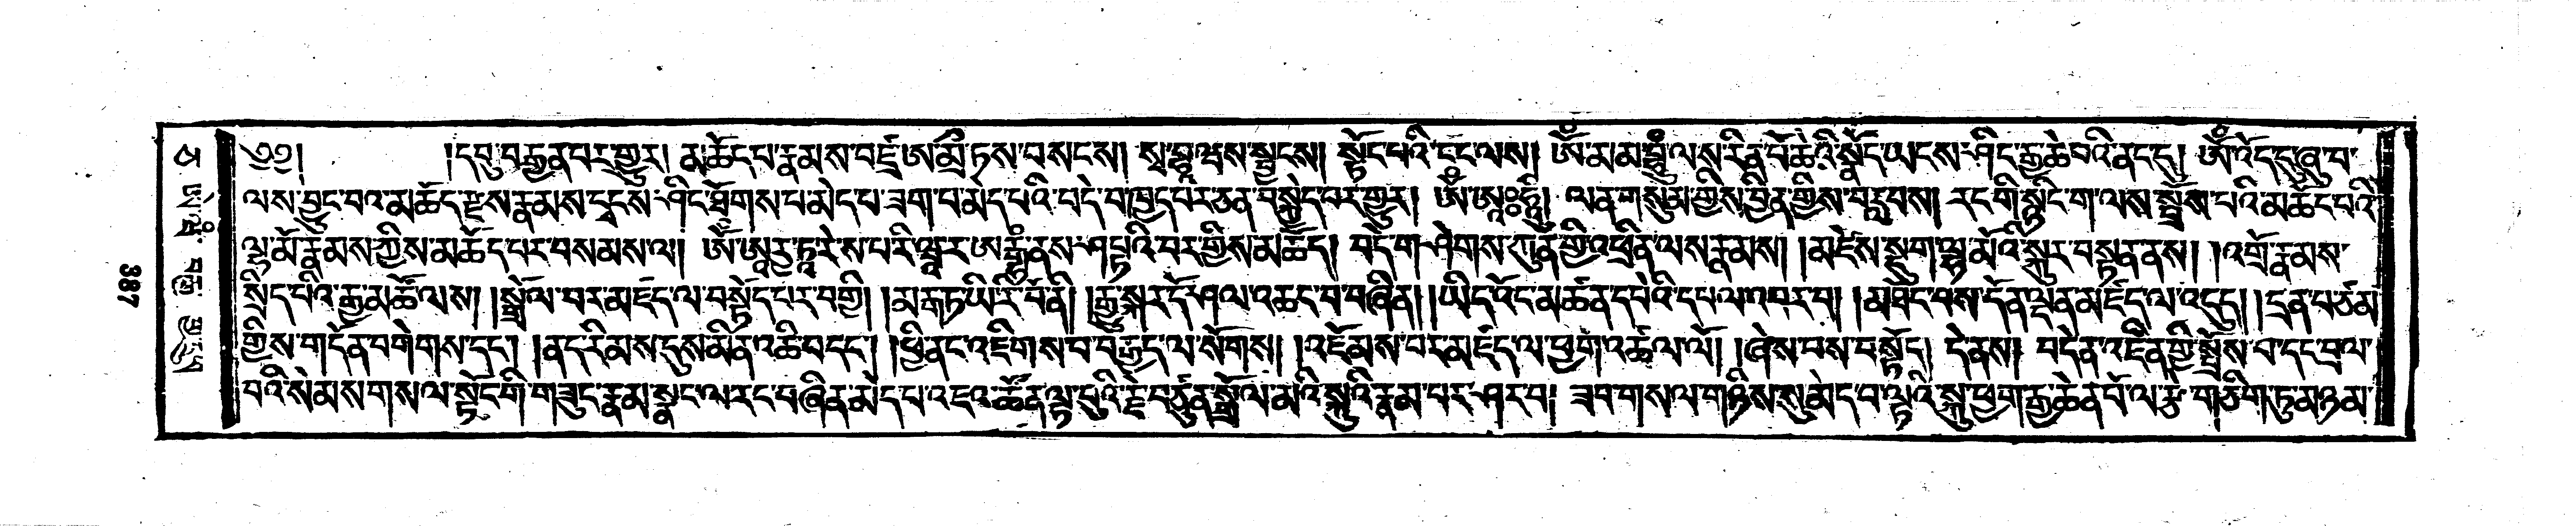༄༅། །དབུ་བརྒྱན་པར་གྱུར། མཆོད་པ་རྣམས་བཛྲ་ཨ་མྲྀ་ཏས་བསངས། སྭ་བྷཱ་ཝས་སྦྱངས། སྟོང་པའི་ངང་ལས། ཨོཾ་མ་མ་བྷྲུཾ་ལས་རིན་པོ་ཆེའི་སྣོད་ཡངས་ཤིང་རྒྱ་ཆེ་བའི་ནང་དུ། ཨོཾ་འོད་དུ་ཞུ་བ་
ལས་བྱུང་བའི་མཆོད་རྫས་རྣམས་དྭངས་ཤིང་ཐོགས་པ་མེད་པ་ཟག་པ་མེད་པའི་བདེ་བ་ཁྱད་པར་ཅན་བསྐྱེད་པར་གྱུར། ཨོཾ་ཨཱཿ ཧཱུཾ། ལན་གསུམ་གྱིས་བྱིན་གྱིས་བརླབས། རང་གི་སྙིང་ག་ལས་སྤྲོས་པའི་མཆོད་པའི་
ལྷ་མོ་རྣམས་ཀྱིས་མཆོད་པར་བསམས་ལ། ཨོཾ་ཨཱརྱ་ཏཱ་རེ་ས་པ་རི་ཝཱ་ར་ཨརྒྷཾ་ནས་ཤཔྟའི་བར་གྱིས་མཆོད། བདེ་གཤེགས་ཀུན་གྱི་འཕྲིན་ལས་རྣམས། མཛེས་སྡུག་ལྷ་མོའི་སྐུར་བསྟན་ནས། །འགྲོ་རྣམས་
སྲིད་པའི་རྒྱ་མཚོ་ལས། །སྒྲོལ་བར་མཛད་ལ་བསྟོད་པར་བགྱི། །མརྒ་ཏ་ཡི་རི་བོ་ནི། །རྒྱུ་སྐར་དོ་ཤལ་འཆང་བ་བཞིན། །ཡིད་འོང་མཚན་དཔེའི་དཔལ་འབར་བ། །མཐོང་བས་དོན་ལྡན་མཛད་ལ་འདུད། །དྲན་པ་ཙམ་
གྱིས་གདོན་བགེགས་དང་། །ནད་རིམས་དུས་མིན་འཆི་བ་དང་། །ཕྱི་ནང་འཇིགས་པ་བརྒྱད་ལ་སོགས། །འཇོམས་པར་མཛད་ལ་ཕྱག་འཚལ་ལོ། །ཞེས་པས་བསྟོད། དེ་ནས། བདེན་འཛིན་གྱི་སྤྲོས་པ་དང་བྲལ་
བའི་སེམས་གསལ་སྟོང་གི་གཟུང་རྣམ་སྣང་ལ་རང་བཞིན་མེད་པ་འཇའ་ཚོན་ལྟ་བུའི་རྗེ་བཙུན་སྒྲོལ་མའི་སྐུའི་རྣམ་པར་ཤར་བ། ཟབ་གསལ་གཉིས་སུ་མེད་པ་ལྷའི་སྐུ་ཕྱག་རྒྱ་ཆེན་པོ་ལ་རྩེ་གཅིག་ཏུ་མཉམ་